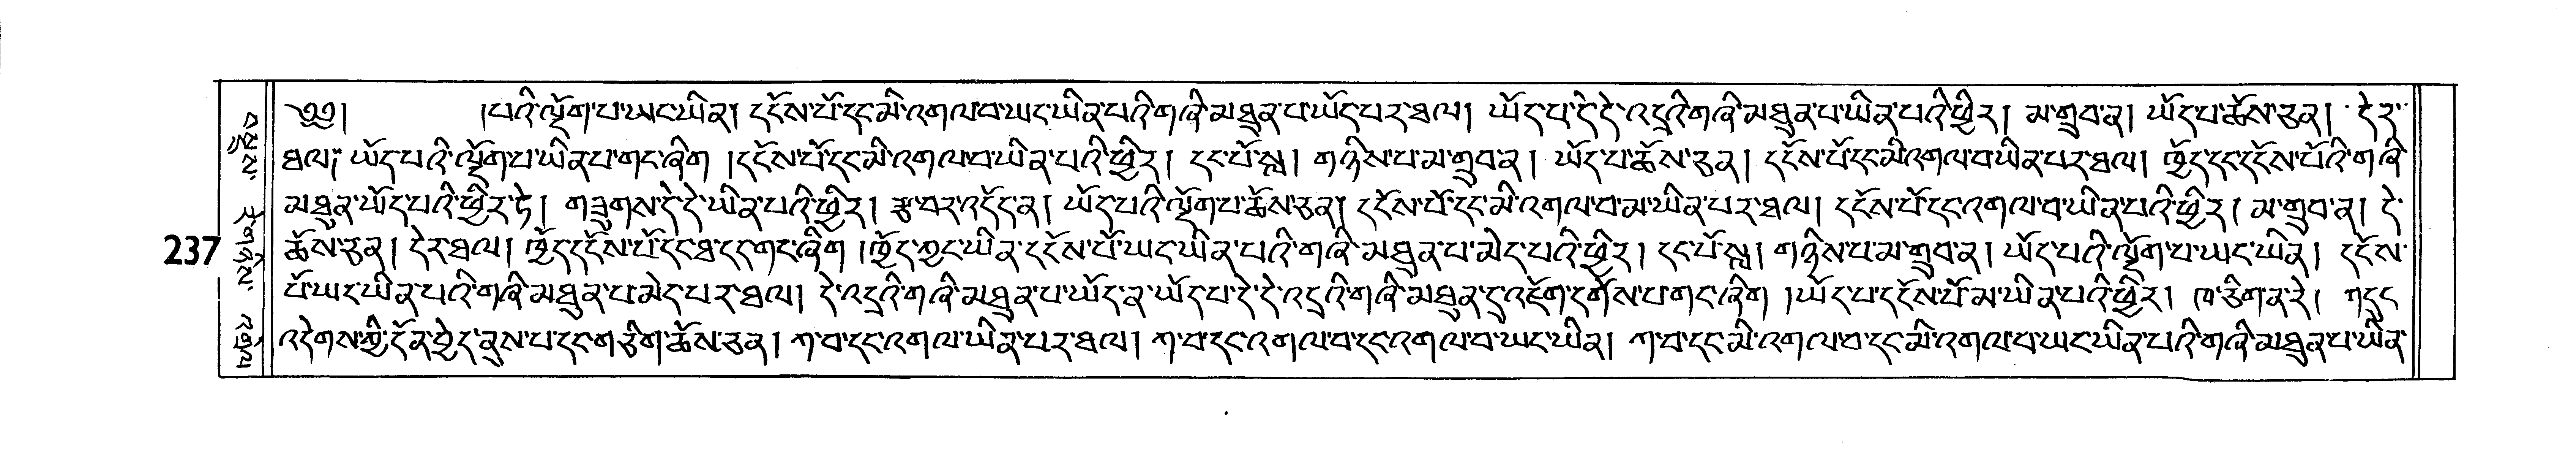༄༅། །པའི་ལྡོག་པ་ཡང་ཡིན། དངོས་པོ་དང་མི་འགལ་བ་ཡང་ཡིན་པའི་གཞི་མཐུན་པ་ཡོད་པར་ཐལ། ཡོད་པ་དེ་དེ་འདྲའི་གཞི་མཐུན་པ་ཡིན་པའི་ཕྱིར། མ་གྲུབ་ན། ཡོད་པ་ཆོས་ཅན། དེར་
ཐལ༑ ཡོད་པའི་ལྡོག་པ་ཡིན་པ་གང་ཞིག །དངོས་པོ་དང་མི་འགལ་བ་ཡིན་པའི་ཕྱིར། དང་པོ་སླ། གཉིས་པ་མ་གྲུབ་ན། ཡོད་པ་ཆོས་ཅན། དངོས་པོ་དང་མི་འགལ་བ་ཡིན་པར་ཐལ། ཁྱོད་དང་དངོས་པོའི་གཞི་
མཐུན་ཡོད་པའི་ཕྱིར་ཏེ། གཟུགས་དེ་དེ་ཡིན་པའི་ཕྱིར། རྩ་བར་འདོད་ན། ཡོད་པའི་ལྡོག་པ་ཆོས་ཅན། དངོས་པོ་དང་མི་འགལ་བ་མ་ཡིན་པར་ཐལ། དངོས་པོ་དང་འགལ་བ་ཡིན་པའི་ཕྱིར། མ་གྲུབ་ན། དེ་
ཆོས་ཅན། དེར་ཐལ། ཁྱོད་དངོས་པོ་དང་ཐ་དད་གང་ཞིག །ཁྱོད་ཀྱང་ཡིན་དངོས་པོ་ཡང་ཡིན་པའི་གཞི་མཐུན་པ་མེད་པའི་ཕྱིར། དང་པོ་སླ། གཉིས་པ་མ་གྲུབ་ན། ཡོད་པའི་ལྡོག་པ་ཡང་ཡིན། དངོས་
པོ་ཡང་ཡིན་པའི་གཞི་མཐུན་པ་མེད་པར་ཐལ། དེ་འདྲའི་གཞི་མཐུན་པ་ཡོད་ན་ཡོད་པ་དེ་དེ་འདྲའི་གཞི་མཐུན་དུ་འཇོག་དགོས་པ་གང་ཞིག །ཡོད་པ་དངོས་པོ་མ་ཡིན་པའི་ཕྱིར། ཁ་ཅིག་ན་རེ། གདུང་
འདེགས་ཀྱི་དོན་བྱེད་ནུས་པ་དང་གཅིག་ཆོས་ཅན། ཀ་བ་དང་འགལ་ཡིན་པར་ཐལ། ཀ་བ་དང་འགལ་བ་དང་འགལ་བ་ཡང་ཡིན། ཀ་བ་དང་མི་འགལ་བ་དང་མི་འགལ་བ་ཡང་ཡིན་པའི་གཞི་མཐུན་པ་ཡིན་